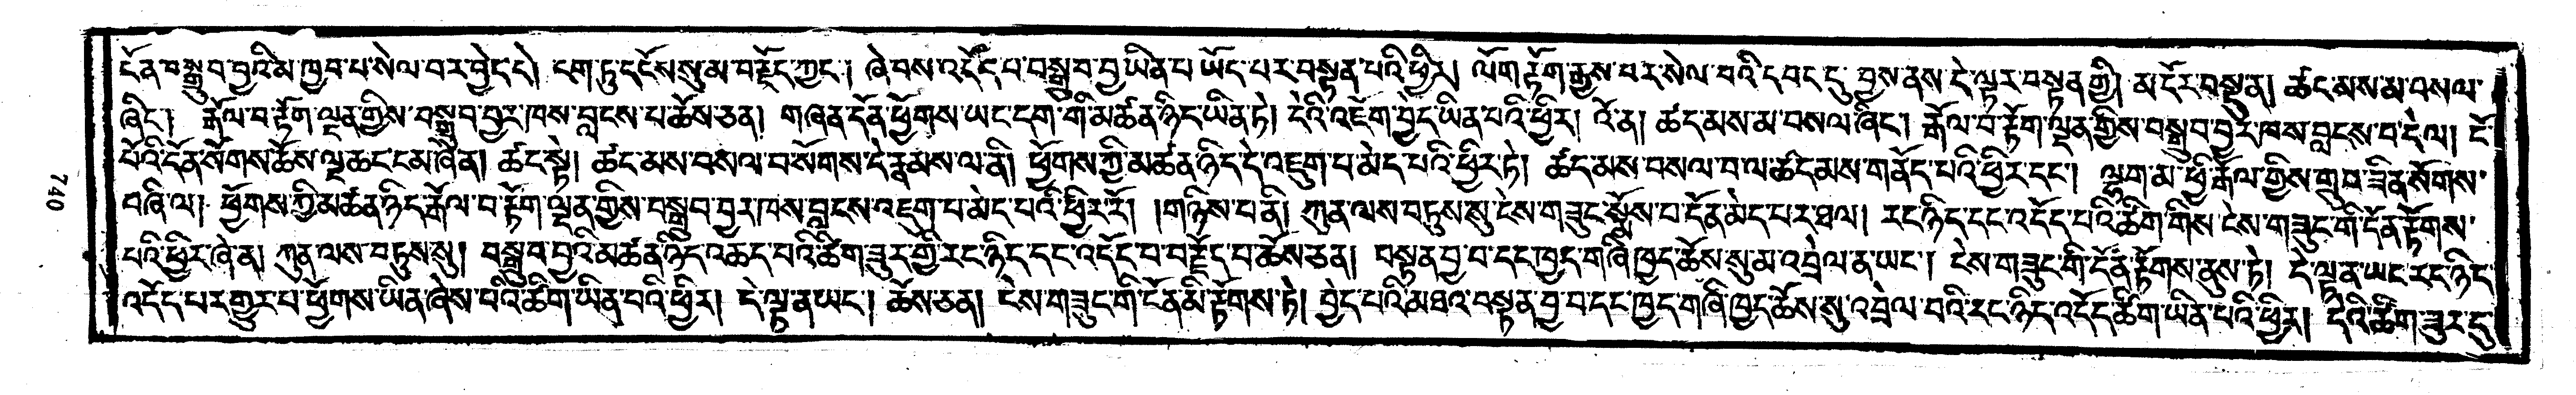དོན་བསྒྲུབ་བྱའི་མ་ཁྱབ་པ་སེལ་བར་བྱེད་དེ། ངག་ཏུ་དངོས་སུ་མ་བརྗོད་ཀྱང་། ཞེས་བས་འདོད་པ་བསྒྲུབ་བྱ་ཡིན་པ་ཡོད་པར་བསྟན་པའི་ཕྱིར། ལོག་རྟོག་རྒྱས་པར་སེལ་བའི་དབང་དུ་བྱས་ནས་དེ་ལྟར་བསྟན་གྱི། མདོར་བསྡུ་ན། ཚང་མས་མ་བསལ་
ཞིང་། རྒོལ་བ་རྟོག་ལྡན་གྱིས་བསྒྲུབ་བྱར་ཁས་བླངས་པ་ཆོས་ཅན། གཞན་དོན་ཕྱོགས་ཡང་དག་གི་མཚན་ཉིད་ཡིན་ཏེ། དེའི་འཇོག་བྱེད་ཡིན་པའི་ཕྱིར། འོ་ན། ཚད་མས་མ་བསལ་ཞིག། རྒོལ་བ་རྟོག་ལྡན་གྱིས་བསྒྲུབ་བྱར་ཁས་བླངས་བ་དེ་ལ། ངོ་
པོའི་དོན་སོགས་ཆོས་ལྔ་ཆང་ངམ་ཞེ་ན། ཚང་སྟེ། ཚང་མས་བསལ་བ་སོགས་དེ་རྣམས་ལ་ནི། ཕྱོགས་ཀྱི་མཚན་ཉིད་དེ་འཇུག་པ་མེད་པའི་ཕྱིར་ཏེ། ཚད་མས་བསལ་བ་ལ་ཚད་མས་གནོད་པའི་ཕྱིར་དང་། ལྷག་མ་ཕྱི་རྒོལ་གྱིས་གྲུབ་ཟིན་སོགས་
བཞི་ལ། ཕྱོགས་ཀྱི་མཚན་ཉིད་རྒོལ་བ་རྟོག་ལྡན་གྱིས་བསྒྲུབ་བྱར་ཁས་བླངས་འཇུག་པ་མེད་པའི་ཕྱིར་རོ། །གཉིས་པ་ནི། ཀུན་ལས་བཏུས་སུ་ངེས་གཟུང་སྨོས་བ་དོན་མེད་པར་ཐལ། རང་ཉིད་དང་འདོད་པའི་ཚིག་གིས་ངེས་གཟུང་གི་དོན་རྟོགས་
པའི་ཕྱིར་ཞེ་ན། ཀུན་ལས་བཏུས་སུ། བསྒྲུབ་བྱའི་མཚན་ཉིད་འཆད་པའི་ཚིག་ཟུར་གྱི་རང་ཉིད་དང་འདོད་བ་བརྗོད་བ་ཆོས་ཅན། བསྟན་བྱ་བ་དང་ཁྱད་གཞི་ཁྱད་ཆོས་སུ་མ་འབྲེལ་ན་ཡང་། ངེས་གཟུང་གི་དོན་རྟོགས་ནུས་ཏེ། དེ་ལྟ་ན་ཡང་རང་ཉིད་
འདོད་པར་གྱུར་པ་ཕྱོགས་ཡིན་ཞེས་པའི་ཚིག་ཡིན་པའི་ཕྱིར། དེ་ལྟ་ན་ཡང་། ཆོས་ཅན། ངེས་གཟུང་གི་ངོན་མི་རྟོགས་ཏེ། བྱེད་པའི་མཐའ་བསྟན་བྱ་བ་དང་ཁྱད་གཞི་ཁྱད་ཆོས་སུ་འབྲེལ་བའི་རང་ཉིད་འདོད་ཚིག་ཡིན་པའི་ཕྱིར། དེའི་ཚིག་ཟུར་དུ་